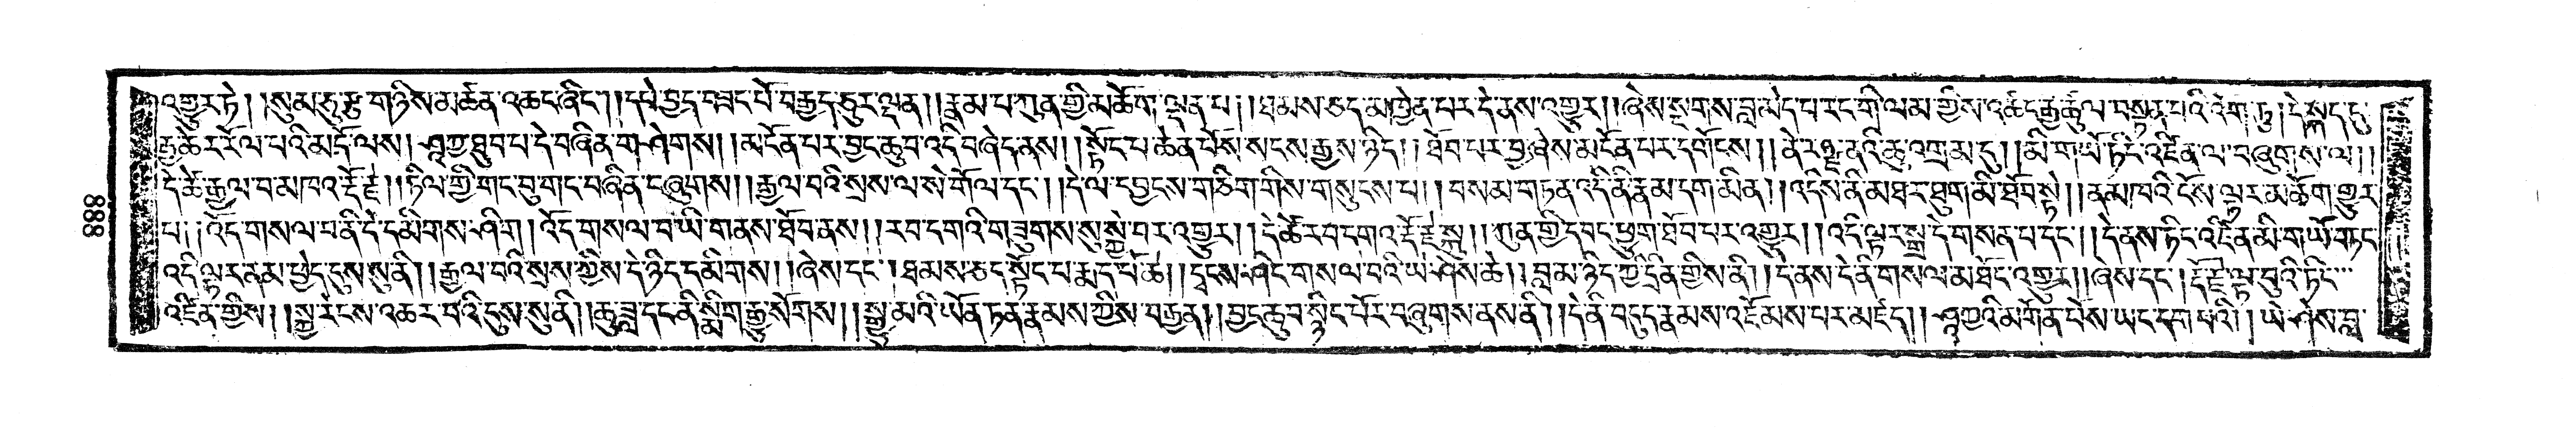འགྱུར་ཏེ། །སུམ་ཅུ་རྩ་གཉིས་མཚན་འཆང་ཞིང་། །དཔེ་བྱད་བཟང་པོ་བརྒྱད་ཅུར་ལྡན། །རྣམ་པ་ཀུན་གྱི་མཆོག་ལྡན་པ། །ཐམས་ཅད་མཁྱེན་པར་དེ་ནས་འགྱུར། །ཞིས་སྔགས་བླ་མེད་པ་རང་གི་ལམ་གྱིས་འཚང་རྒྱ་ཚུལ་བསྟན་པའི་འོག་ཏུ། དེ་སྐད་དུ་
རྒྱ་ཆེར་རོལ་པའི་མདོ་ལས། ཤཱཀྱ་ཐུབ་པ་དེ་བཞིན་གཤེགས། །མངོན་པར་བྱང་ཆུབ་འདི་བཞེད་ནས། །སྟོང་པ་ཆེན་པོས་སངས་རྒྱས་ཉིད། །ཐོབ་པར་བྱ་ཞེས་མངོན་པར་དགོངས། །ནེ་རྙྫ་?་ནའི་ཆུ་འགྲམ་དུ། །མི་གཡོ་ཏིང་འཛིན་ལ་བཞུགས་ལ། །
དེ་ཚེ་རྒྱལ་བ་མཁའ་རྡོ་རྗེ། །ཏིལ་གྱི་གང་བུ་གང་བཞིན་བཞུགས། །རྒྱལ་བའི་སྲས་ལ་སེ་གོལ་དང་། །དེ་ལ་དབྱངས་གཅིག་གིས་གསུངས་པ། །བསམ་གཏན་འདི་ནི་རྣམ་དག་མིན། །འདིས་ནི་མཐར་ཐུག་མི་ཐོབ་སྟེ། །ནམ་མཁའི་ངོས་ལྟར་མཆོག་གྱུར་
པ། །འོད་གསལ་བ་ནི་དེ་དམིགས་ཤིག །འོད་གསལ་བ་ཡི་གནས་ཐོབ་ནས། །རབ་དགའི་གཟུགས་སུ་སྐྱེ་བར་འགྱུར། །དེ་ཚེ་རབ་དགའ་རྡོ་རྗེ་སྐུ། །ཀུན་གྱི་དབང་ཕྱུག་ཐོབ་པར་འགྱུར། །འདི་ལྟར་སྒྲ་དེ་གསན་པ་དང་། །དེ་ནས་ཏིང་འཛིན་མི་གཡོ་བཏང་
འདི་ལྟར་ནམ་ཕྱེད་དུས་སུ་ནི། །རྒྱལ་བའི་སྲས་ཀྱིས་དེ་ཉིད་དམིགས། །ཞེས་དང་། ཐམས་ཅད་སྟོང་པ་རྨད་པོ་ཆེ། །དྭངས་ཤིང་གསལ་བའི་ཡེ་ཤེས་ཆེ། །བླ་མ་ཉིད་ཀྱི་དྲིན་གྱིས་ནི། །དེ་ནས་དེ་ནི་གསལ་མཐོང་འགྱུར། །ཞེས་དང་། རྡོ་རྗེ་ལྟ་བུའི་ཏིང་
འཛིན་གྱིས། །སྐྱ་རིངས་འཆར་བའི་དུས་སུ་ནི། །ཆུ་ཟླ་དང་ནི་སྨིག་རྒྱུ་སོགས། །སྒྱུ་མའི་ཡོན་ཏན་རྣམས་ཀྱིས་བརྒྱན། །བྱང་ཆུབ་སྙིང་པོར་བཞུགས་ནས་ནི། །དེ་ནི་བདུད་རྣམས་འཇོམས་པར་མཛད། །ཤཱཀྱའི་མགོན་པོས་ཡང་དག་པའི། །ཡེ་ཤེས་བླ་